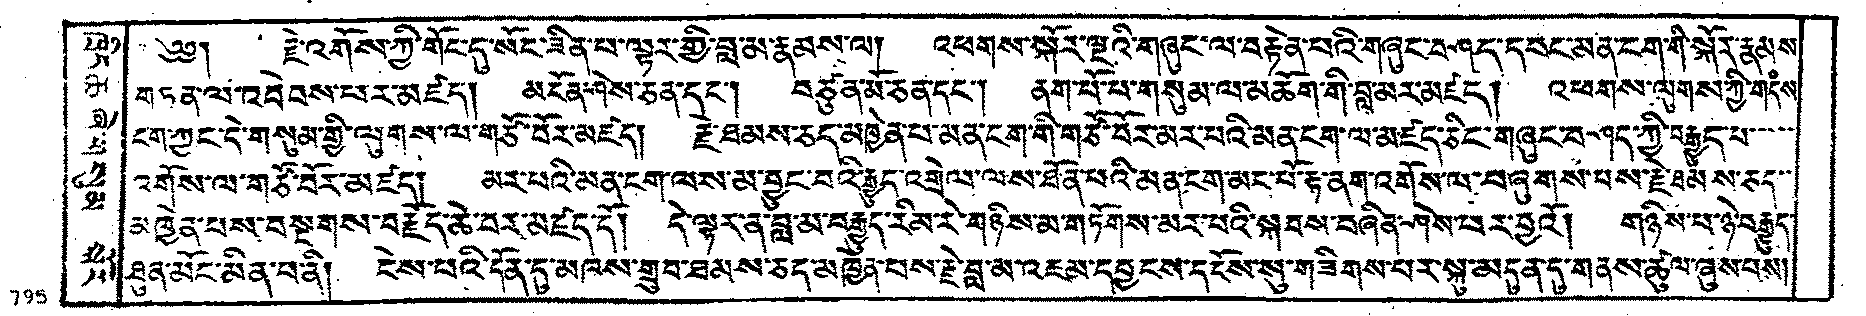༄༅། །རྗེ་འགོས་ཀྱི་གོང་དུ་སོང་ཟིན་པ་ལྟར་གྱི་བླ་མ་རྣམས་ལ། འཕགས་སྐོར་ལྔའི་གཞུང་ལ་བརྟེན་པའི་གཞུང་བཤད་དབང་མན་ངག་གི་སྐོར་རྣམས་
གཏན་ལ་འབེབས་པར་མཛད། མངོན་ཤེས་ཅན་དང་། བཙུན་མོ་ཅན་དང་། ནག་པོ་པ་གསུམ་ལ་མཆོག་གི་བླ་མར་མཛད། འཕགས་ལུགས་ཀྱི་གདམས་
ངག་ཀྱང་དེ་གསུམ་གྱི་ལུགས་ལ་གཙོ་བོར་མཛད། རྗེ་ཐམས་ཅད་མཁྱེན་པ་མན་ངག་གི་གཙོ་བོར་མར་པའི་མན་ངག་ལ་མཛད་ཅིང་གཞུང་བཤད་ཀྱི་བརྒྱུད་པ་
འགོས་ལ་གཙོ་བོར་མཛད། མར་བའི་མན་ངག་ལས་མ་བྱུང་བའི་རྒྱུད་འགྲེལ་ལས་ཐོན་པའི་མན་ངག་མང་པོ་རྟ་ནག་འགོས་ལ་བཞུགས་པས་རྗེ་ཐམས་ཅད་
མཁྱེན་པས་བསྔགས་བརྗོད་ཆེ་བར་མཛད་དོ། དེ་ལྟར་ན་བླ་མ་བརྒྱུད་རིམ་རེ་གཉིས་མ་གཏོགས་མར་པའི་སྐབས་བཞིན་ཤེས་པར་བྱའོ། གཉིས་པ་ཉེ་བརྒྱུད་
ཐུན་མོང་མིན་པ་ནི། ངེས་པའི་དོན་དུ་མཁས་གྲུབ་ཐམས་ཅད་མཁྱེན་པས་རྗེ་བླ་མ་འཇམ་དབྱངས་དངོས་སུ་གཟིགས་པར་སྐུ་མདུན་དུ་གནས་ཚུལ་ཞུས་པས།